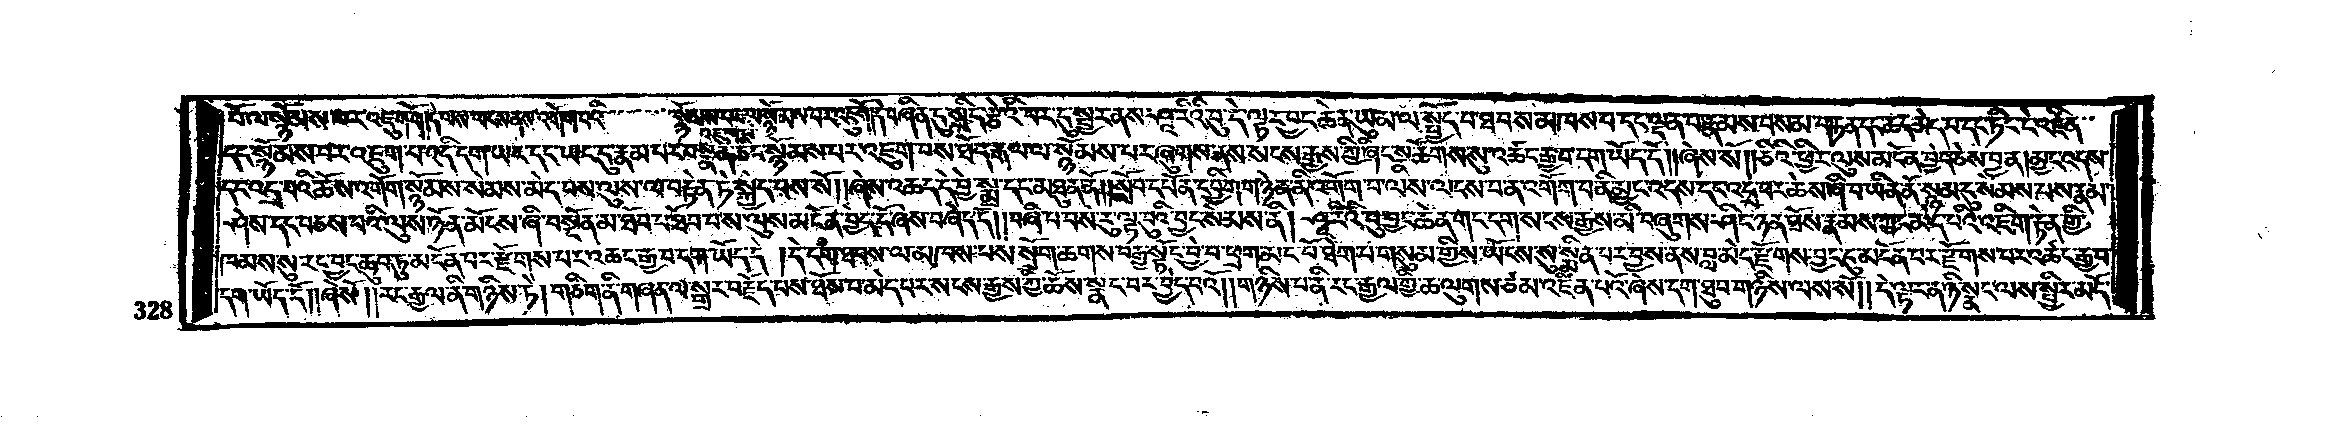པོ་ལ་སྙོམས་པར་འཇུག་གོ །དེ་ལས་ལངས་ནས་འགོག་པའི་སྙོམས་པར་འཇུག་པ་ལ་སྙོམས་པར་འཇུག་གོ །དེ་བཞིན་དུ་སྲིད་རྩེའི་བར་དུ་སྦྱར་ནས་ཤཱ་རིའི་བུ་དེ་ལྟར་བྱང་ཆེན་ཡུམ་ལ་སྤྱོད་པ་ཐབས་མཁས་པ་དང་ལྡན་པ་རྣམས་བསམ་གཏན་དང་ཚད་མེད་པ་དང་ཏིང་ངེ་འཛིན་
དང་སྙོམས་པར་འཇུག་པ་འདི་དག་ཡང་དང་ཡང་དུ་རྣམ་པར་བསྣན་ཅིང་སྙོམས་པར་འཇུག་པས་ཐོད་རྒལ་ལ་སྙོམས་པར་ཞུགས་ནས་སངས་རྒྱས་ཀྱི་ཞིང་སྣ་ཚོགས་སུ་འཚང་རྒྱ་བ་དག་ཡོད་དོ། །ཞེས་སོ། །ཅིའི་ཕྱིར་ལུས་མངོན་བྱེད་ཅེས་བྱ་ན། མྱང་འདས་
དང་འདྲ་བའི་ཆོས་འགོག་སྙོམས་སེམས་མེད་པས་ལུས་ལ་བརྟེན་ཏེ་སྐྱེད་པས་སོ། །ཞེས་འཆད་དེ་བྱེ་སྨྲ་དང་མཐུན་ནོ། །སློབ་དཔོན་དབྱིག་གཉེན་ནི་འགོག་པ་ལས་ལངས་པ་ན་འགོག་པ་ནི་མྱང་འདས་དང་འདྲ་བར་ཆེས་ཞི་བ་ཡིན་ནོ་སྙམ་དུ་སེམས་པས་རྣམ་
ཤེས་དང་བཅས་པའི་ལུས་ཉོན་མོངས་ཞི་བསྔོན་མ་ཐོབ་པ་ཐོབ་པས་ལུས་མངོན་བྱེད་དོ་ཞེས་བཞེད་དོ། །བཞི་པ་བསེ་རུ་ལྟ་བུའི་བྱང་སེམས་ནི། ཤཱ་རིའི་བུ་བྱང་ཆེན་གང་དག་སངས་རྒྱས་མི་བཞུགས་ཤིང་ཉན་ཐོས་རྣམས་ཀྱང་མེད་པའི་འཇིག་རྟེན་གྱི་ཁམས་སུ་རང་བྱང་ཆུབ་ཏུ་མངོན་པར་རྫོགས་པར་འཚང་རྒྱ་བ་དག་ཡོད་དེ། དེ་དག་ཐབས་ལ་མཁས་པས་སྲོག་ཆགས་བརྒྱ་སྟོང་བྱེ་བ་ཕྲག་མང་པོ་ཐེག་པ་གསུམ་གྱིས་ཡོངས་སུ་སྨིན་པར་བྱས་ནས་བླ་མེད་རྫོགས་བྱང་དུ་མངོན་པར་རྫོགས་པར་འཚང་རྒྱ་བ་
དག་ཡོད་དོ། །ཞེས་སོ། །རང་རྒྱལ་ནི་གཉིས་ཏེ། གཅིག་ནི་གཞན་ལ་སྒྲར་བརྗོད་པས་ཐོས་པ་མེད་པར་སངས་རྒྱས་ཀྱི་ཆོས་སྣང་བར་བྱེད་པའོ། །གཉིས་པ་ནི་རང་རྒྱལ་གྱི་ཆ་ལུགས་ཙམ་འཛིན་པའོ་ཞེས་དག་ཐུབ་གཉིས་ལས་སོ། །དེ་ལྟར་ན་ཉི་སྣང་ལས་སྤྱིར་མདོ་